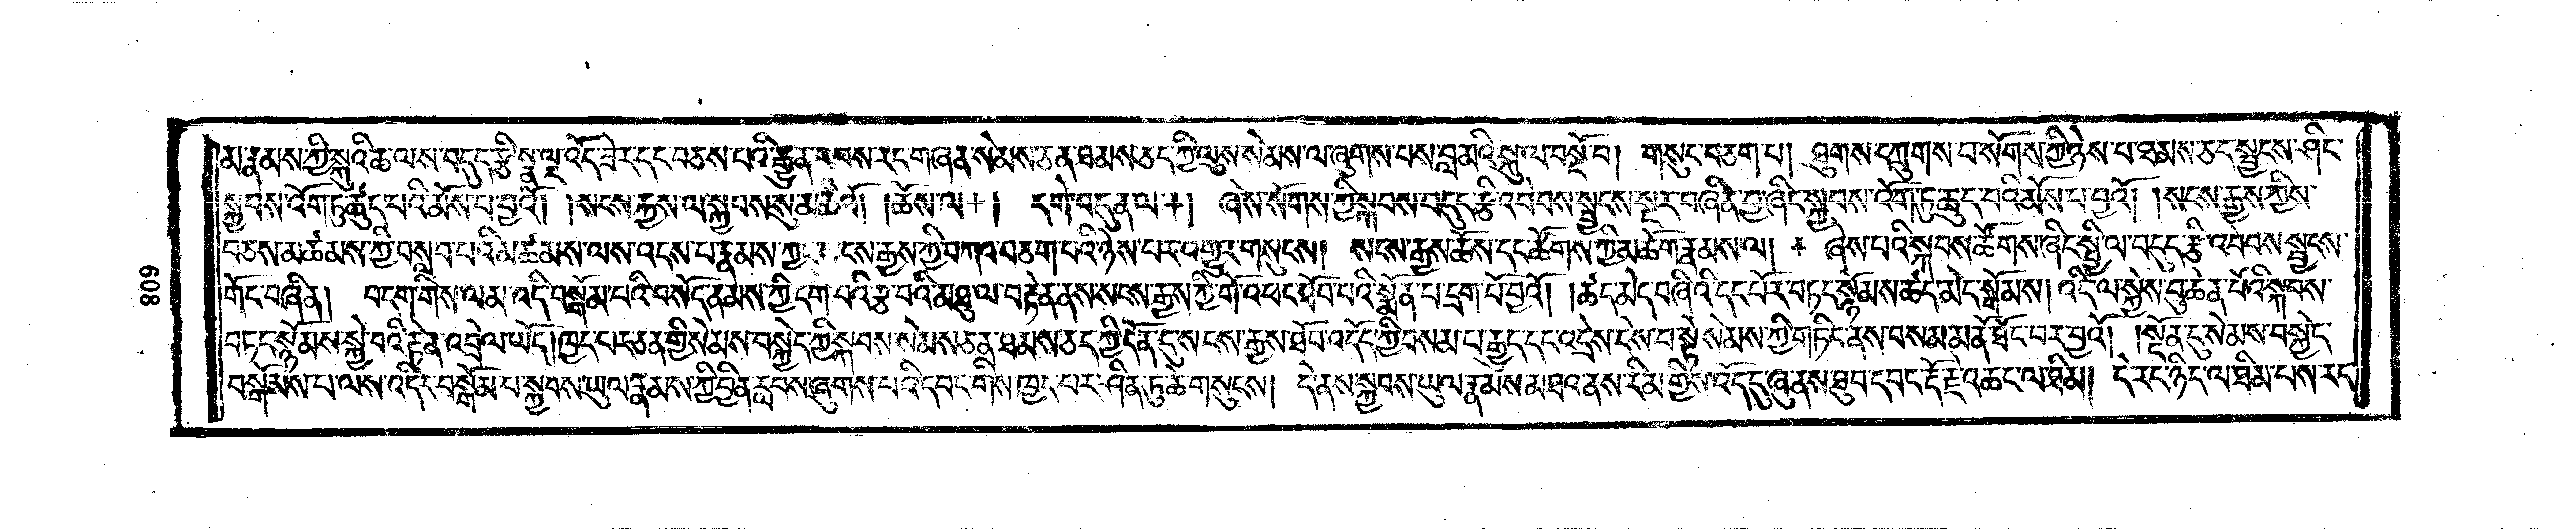མ་རྣམས་ཀྱི་སྐུའི་ཆ་ལས་བདུད་རྩི་སྔ་ལྔ་འོད་ཟེར་དང་བཅས་པའི་རྒྱུན་བབས་རང་གཞན་སེམས་ཅན་ཐམས་ཅད་ཀྱི་ལུས་སེམས་ལ་ཞུགས་པས་བླ་མའི་སྐུ་ལ་བསྔོ་བ། གསུང་བཅག་པ། ཐུགས་དཀྲུགས་པ་སོགས་ཀྱི་ཉེས་པ་ཐམས་ཅད་སྦྱངས་ཤིང་
སྐྱབས་འོག་ཏུ་ཚུད་པའི་མོས་པ་བྱའོ། །སངས་རྒྱས་ལ་སྐྱབས་སུ་མཆིའོ། །ཆོས་ལ་+་།དགེ་འདུན་ལ་+་།ཞེས་སོགས་ཀྱི་སྐབས་བདུད་རྩི་འབེབས་སྦྱངས་སྔར་བཞིན་བྱ་ཞིང་སྐྱབས་འོག་ཏུ་ཆུད་བའི་མོས་པ་བྱའོ། །སངས་རྒྱས་ཀྱིས་
བཅས་མཚམས་ཀྱི་བསླབ་པའི་མཚམས་ལས་འདས་པ་རྣམས་ཀྱང་སངས་རྒྱས་ཀྱི་བཀའ་བཅག་པའི་ཉེས་པར་འགྱུར་གསུངས། སངས་རྒྱས་ཆོས་དང་ཚོགས་ཀྱི་མཆོག་རྣམས་ལ། +་ཞེས་པའི་སྐབས་ཚོགས་ཞིང་སྤྱིལ་བདུད་རྩི་འབེབས་སྦྱངས་
གོང་བཞིན། བདག་གིས་ལམ་འདི་བསྒོམ་པའི་བསོད་ནམས་ཀྱི་དགེ་བའི་རྩ་བའི་མཐུ་ལ་བརྟེན་ནས་སངས་རྒྱས་ཀྱི་གོ་འཕང་ཐོབ་པའི་སྨོན་པ་དྲག་པོ་བྱའོ། །ཚད་མེད་བཞིའི་དང་པོར་བཏང་སྙོམས་ཚད་མེད་སྒོམས། འདི་ལ་སྐྱེས་བུ་ཆེན་པོའི་སྐབས་
བཏང་སྙོམས་སྐྱེ་བའི་རྟེན་འབྲེལ་ཡོད། ཁྱད་པར་ཅན་གྱི་སེམས་བསྐྱེད་ཀྱི་སྐབས་སེམས་ཅན་ཐམས་ཅད་ཀྱི་དོན་དུ་སངས་རྒྱས་ཐོབ་འདོད་ཀྱི་བསམ་པ་རྒྱུད་དང་འདྲེས་ངེས་བ་སྟེ་སེམས་ཀྱི་གཏིང་ནས་བསམ་མ་ནོ་ཐོང་པར་བྱའོ། །སྔོན་དུ་སེམས་བསྐྱེད་
བསྒོམས་པ་ལས་འདིར་བསྒོམ་པ་སྐྱབས་ཡུལ་རྣམས་ཀྱི་བྱིན་རླབས་ཞུགས་པའི་དབང་གིས་ཁྱད་བར་ཤིན་ཏུ་ཚེ་གསུངས། དེ་ནས་སྐྱབས་ཡུལ་རྣམས་མཐའ་ནས་རིམ་གྱིས་འོད་དུ་ཞུ་ནས་ཐུབ་དབང་རྡོ་རྗེ་འཆང་ལ་ཐིམ། དེ་རང་ཉིད་ལ་ཐིམ་པས་རང་